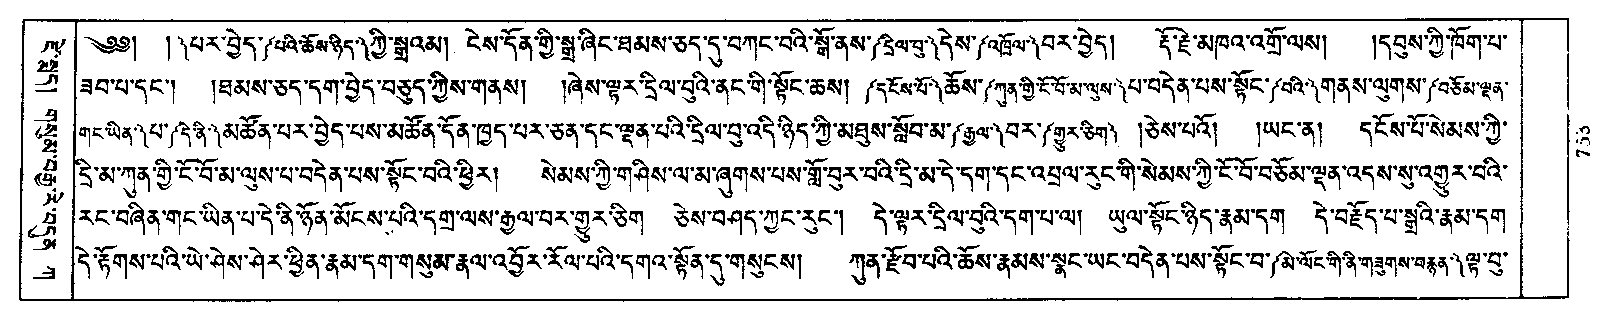༄༅། །?པར་བྱེད ༼པའི་ཆོས་ཉིད྄་ཀྱི་སྒྲའམ། ངེས་དོན་གྱི་སྒྲ་ཞིང་ཐམས་ཅད་དུ་བཀང་བའི་སྒོ་ནས་༽དྲིལ་བ྄ུ་དེས་འཁྲོལ྄་བར་བྱེད། རྡོ་རྗེ་མཁའ་འགྲོ་ལས། །དབུས་ཀྱི་ཁོག་པ་
ཟབ་པ་དང་། །ཐམས་ཅད་དག་བྱེད་བཅུད་ཀྱིས་གནས། །ཞེས་ལྟར་དྲིལ་བུའི་ནང་གི་སྟོང་ཆས། ༼དངོས་པ྄ོ་ཆོས་༽ཀུན་གྱི་ངོ་བོ་མ་ལུས྄་པ་བདེན་པས་སྟོང ༼བའ྄ི་གནས་ལུགས་༽བཅོམ་ལྡན་
གང་ཡིན྄་པ ༼དེ་ན྄ི་མཚོན་པར་བྱེད་པས་མཚོན་དོན་ཁྱད་པར་ཅན་དང་ལྡན་པའི་དྲིལ་བུ་འདི་ཉིད་ཀྱི་མཐུས་སློབ་མ་༽རྒྱལ྄་བར་གྱུར་ཅིག྄་།ཅེས་པའོ། །ཡང་ན། དངོས་པོ་སེམས་ཀྱི་
དྲི་མ་ཀུན་གྱི་ངོ་བོ་མ་ལུས་པ་བདེན་པས་སྟོང་བའི་ཕྱིར། སེམས་ཀྱི་གཤིས་ལ་མ་ཞུགས་པས་གློ་བུར་བའི་དྲི་མ་དེ་དག་དང་འབྲལ་རུང་གི་སེམས་ཀྱི་ངོ་བོ་བཅོམ་ལྡན་འདས་སུ་འགྱུར་བའི་
རང་བཞིན་གང་ཡིན་པ་དེ་ནི་ཉོན་མོངས་པའི་དགྲ་ལས་རྒྱལ་བར་གྱུར་ཅིག་ཅེས་བཤད་ཀྱང་རུང་། དེ་ལྟར་དྲིལ་བུའི་དག་པ་ལ། ཡུལ་སྟོང་ཉིད་རྣམ་དག་དེ་བརྗོད་པ་སྒྲའི་རྣམ་དག་
དེ་རྟོགས་པའི་ཡེ་ཤེས་ཤེར་ཕྱིན་རྣམ་དག་གསུམ་རྣལ་འབྱོར་རོལ་པའི་དགའ་སྟོན་དུ་གསུངས། ཀུན་རྫོབ་པའི་ཆོས་རྣམས་སྣང་ཡང་བདེན་པས་སྟོང་བ་མེ་ལོང་གི་ནི་གཟུགས་བརྙན྄་ལྟ་བུ་